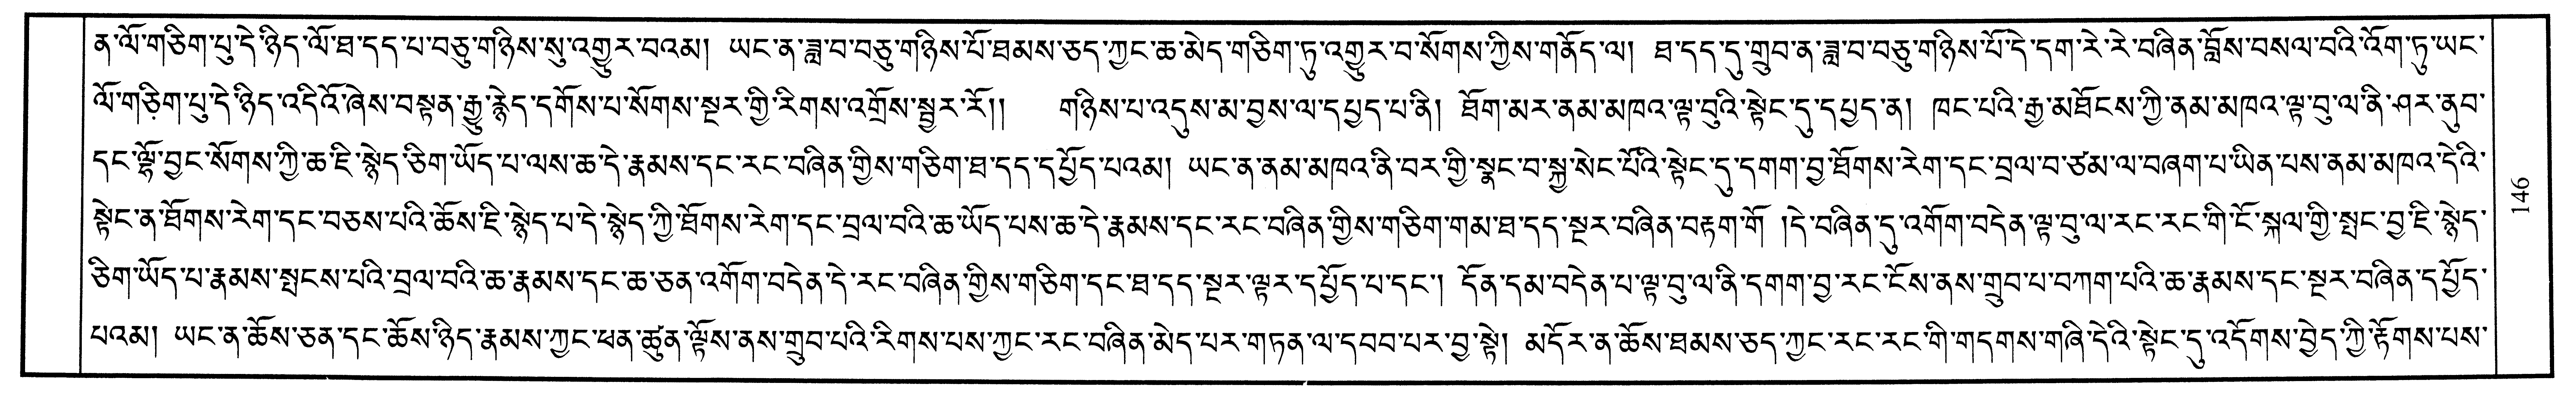ན་ལོ་གཅིག་པུ་དེ་ཉིད་ལོ་ཐ་དད་པ་བཅུ་གཉིས་སུ་འགྱུར་བའམ། ཡང་ན་ཟླ་བ་བཅུ་གཉིས་པོ་ཐམས་ཅད་ཀྱང་ཆ་མེད་གཅིག་ཏུ་འགྱུར་བ་སོགས་ཀྱིས་གནོད་ལ། ཐ་དད་དུ་གྲུབ་ན་ཟླ་བ་བཅུ་གཉིས་པོ་དེ་དག་རེ་རེ་བཞིན་བློས་བསལ་བའི་འོག་ཏུ་ཡང་
ལོ་གཅིག་པུ་དེ་ཉིད་འདིའོ་ཞེས་བསྟན་རྒྱུ་རྙེད་དགོས་པ་སོགས་སྔར་གྱི་རིགས་འགྲོས་སྦྱར་རོ།། གཉིས་པ་འདུས་མ་བྱས་ལ་དཔྱད་པ་ནི། ཐོག་མར་ནམ་མཁའ་ལྟ་བུའི་སྟེང་དུ་དཔྱད་ན། ཁང་པའི་རྒྱ་མཐོངས་ཀྱི་ནམ་མཁའ་ལྟ་བུ་ལ་ནི་ཤར་ནུབ་
དང་ལྷོ་བྱང་སོགས་ཀྱི་ཆ་ཇི་སྙེད་ཅིག་ཡོད་པ་ལས་ཆད་དེ་རྣམས་དང་རང་བཞིན་གྱིས་གཅིག་ཐ་དད་དཔྱོད་པའམ། ཡང་ན་ནམ་མཁའ་ནི་བར་གྱི་སྣང་བ་སྐྱ་སེང་པོའི་སྟེང་དུ་དགག་བྱ་ཐོགས་རེག་དང་བྲལ་བ་ཙམ་ལ་བཞག་པ་ཡིན་པས་ནམ་མཁའ་དེའི་
སྟེང་ན་ཐོགས་རེག་དང་བཅས་པའི་ཆོས་ཇི་སྙེད་པ་དེ་སྙེད་ཀྱི་ཐོགས་རེག་དང་བྲལ་བའི་ཆ་ཡོད་པས་ཆ་དེ་རྣམས་དང་རང་བཞིན་གྱིས་གཅིག་གམ་ཐ་དད་སྔར་བཞིན་བརྟག་གོ །དེ་བཞིན་དུ་འགོག་བདེན་ལྟ་བུ་ལ་རང་རང་གི་ངོ་སྐལ་གྱི་སྤང་བྱ་ཇི་སྙེད་
ཅིག་ཡོད་པ་རྣམས་སྤངས་པའི་བྲལ་བའི་ཆ་རྣམས་དང་ཆ་ཅན་འགོག་བདེན་དེ་རང་བཞིན་གྱིས་གཅིག་དང་ཐ་དད་སྔར་ལྟར་དཔྱོད་པ་དང་། དོན་དམ་བདེན་པ་ལྟ་བུ་ལ་ནི་དགག་བྱ་རང་ངོས་གྲུབ་པ་བཀག་པའི་ཆ་རྣམས་དང་སྔར་བཞིན་དཔྱོད་
པའམ། ཡང་ན་ཆོས་ཅན་དང་ཆོས་ཉིད་རྣམས་ཀྱང་ཕན་ཚུན་ལྟོས་ནས་གྲུབ་པའི་རིགས་པས་ཀྱང་རང་བཞིན་མེད་པར་གཏན་ལ་དབབ་པར་བྱ་སྟེ། མདོར་ན་ཆོས་ཐམས་ཅད་ཀྱང་རང་རང་གི་གདགས་གཞི་དེའི་སྟེང་དུ་འདོགས་བྱེད་ཀྱི་རྟོགས་པས་